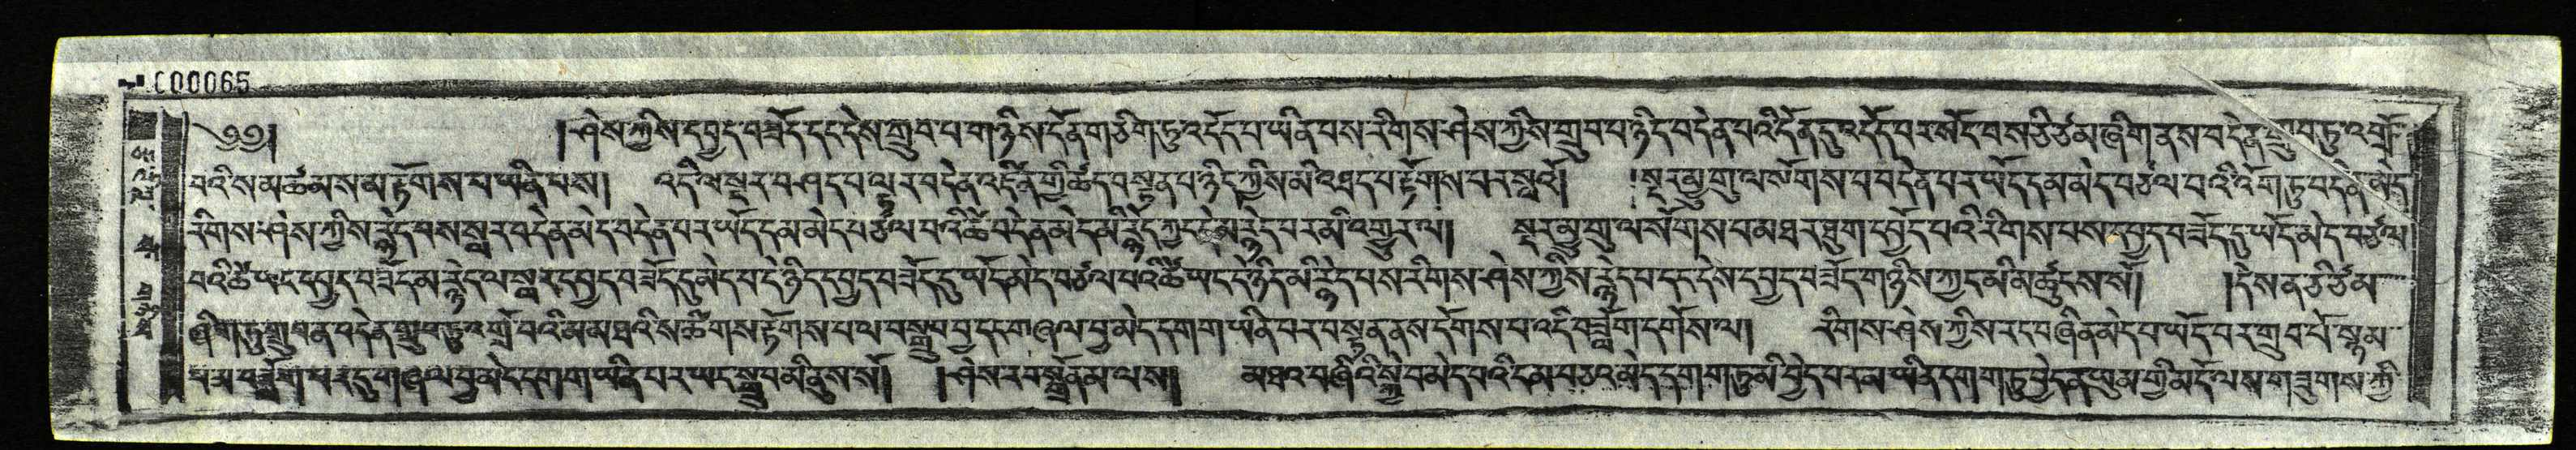༄༅། །ཤེས་ཀྱིས་དཔྱད་བཟོད་དང་དེས་གྲུབ་པ་གཉིས་དོན་གཅིག་ཏུ་འདོད་པ་ཡིན་པས་རིགས་ཤེས་ཀྱིས་གྲུབ་པ་ཉིད་བདེན་པའི་དོན་དུ་འདོད་པར་སོང་བས་ཅི་ཙམ་ཞིག་ནས་བདེན་གྲུབ་ཏུ་འགྲོ་
བའི་ས་མཚམས་མ་རྟོགས་པ་ཡིན་པས། འདི་ལ་སྔར་བཤད་པ་ལྟར་བདེན་འཛིན་གྱི་ཚད་བསྟན་པ་ཉིད་ཀྱིས་མི་འཐད་པ་རྟོགས་པར་སླའོ། །སྔར་མྱུ་གུ་ལ་སོགས་པ་བདེན་པར་ཡོད་དམ་མེད་བཙལ་བའི་འོག་ཏུ་བདེན་མེད་
རིགས་ཤེས་ཀྱིས་རྙེད་པས་སླར་བདེན་མེད་བདེན་པར་ཡོད་དམ་མེད་བཙལ་བའི་ཚེ་བདེན་མེད་མི་རྙེད་ཀྱང་དེ་མ་རྙེད་པར་མི་འགྱུར་ལ། སྔར་མྱུ་གུ་ལ་སོགས་པ་མཐར་ཐུག་དཔྱོད་པའི་རིགས་པས་དཔྱད་བཟོད་དུ་ཡོད་མེད་བཙལ་
བའི་ཚེ་ཡང་དཔྱད་བཟོད་མ་རྙེད་ལ་སླར་དཔྱད་བཟོད་དུ་མེད་པ་དེ་ཉིད་དཔྱད་བཟོད་དུ་ཡོད་མེད་བཙལ་བའི་ཚེ་ཡང་དེ་ཉིད་མི་རྙེད་པས་རིགས་ཤེས་ཀྱིས་རྙེད་པ་དང་དེས་དཔྱད་བཟོད་གཉིས་ཀྱང་མི་མཚུངས་སོ། །དེས་ན་ཅི་ཙམ་
ཞིག་ཏུ་གྲུབ་ན་བདེན་གྲུབ་ཏུ་འགྲོ་བའི་མ་མཐའི་ས་ཚིགས་རྟོགས་པ་ལ་བསྒྲུབ་བྱ་དང་གཞལ་བྱ་མེད་དགག་ཡིན་པར་བསྟན་ནས་དོགས་པ་འདི་བཟློག་དགོས་ལ། རིགས་ཤེས་ཀྱིས་རང་བཞིན་མེད་པ་ཡོད་པར་གྲུབ་པོ་སྙམ་
པ་མ་བཟློག་པར་དུ་གཞལ་བྱ་མེད་དགག་ཡིན་པར་ཡང་སྒྲུབ་མི་ནུས་སོ། །ཤེས་རབ་སྒྲོན་མ་ལས། མཐའ་བཞིའི་སྐྱེ་བ་མེད་པའི་དམ་བཅའ་མེད་དགག་ཏུ་མི་བྱེད་པར་མ་ཡིན་དགག་ཏུ་བྱེད་ན་ཡུམ་གྱི་མདོ་ལས་གཟུགས་ཀྱི་